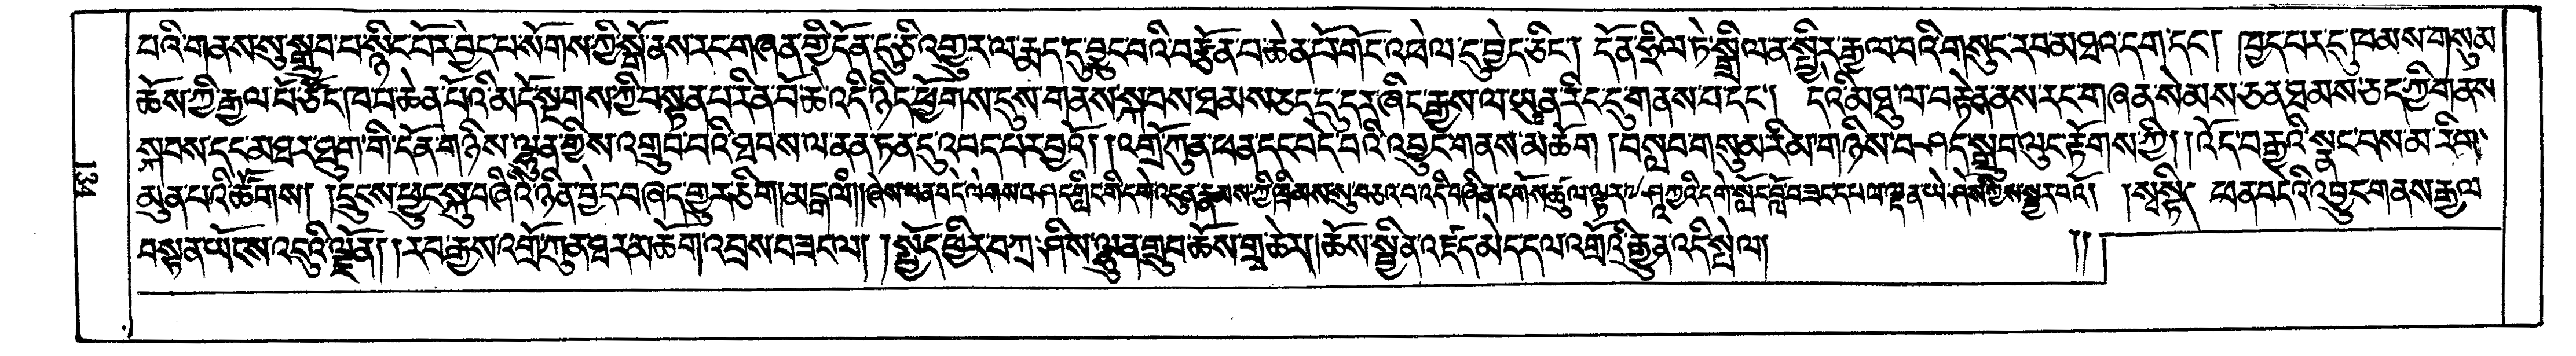པའི་གནས་སུ་སྒྲུབ་པ་སྙིང་པོར་བྱེད་པ་སོགས་ཀྱི་སྒོ་ནས་རང་གཞན་གྱི་དོན་དུ་ཅི་འགྱུར་ལ་རྨད་དུ་བྱུང་བའི་བརྩོན་པ་ཆེན་པོ་གོང་འཕེལ་དུ་བྱེད་ཅིང་། དོན་ཧྲིལ་ཏེ་སྒྲིལ་ན་སྤྱིར་རྒྱལ་བའི་གསུང་རབ་མཐའ་དག་དང་། ཁྱད་པར་དུ་ཁམས་གསུམ་
ཆོས་ཀྱི་རྒྱལ་པོ་ཙོང་ཁ་པ་ཆེན་པོའི་མདོ་སྔགས་ཀྱི་བསྟན་པ་རིན་པོ་ཆེ་འདི་ཉིད་ཕྱོགས་དུས་གནས་སྐབས་ཐམས་ཅད་དུ་དར་ཞིང་རྒྱས་ལ་ཡུན་རིང་དུ་གནས་པ་དང་། དེའི་མཐུ་ལ་བརྟེན་ནས་རང་གཞན་སེམས་ཅན་ཐམས་ཅད་ཀྱི་གནས་
སྐབས་དང་མཐར་ཐུག་གི་དོན་གཉིས་ལྷུན་གྱིས་འགྲུབ་པའི་ཐབས་ལ་ནན་ཏན་དུ་འབད་པར་བྱའོ། །འགྲོ་ཀུན་ཕན་དང་བདེ་བའི་འབྱུང་གནས་མཆོག །བསླབ་གསུམ་རིམ་གཉིས་བཤད་སྒྲུབ་ལུང་རྟོགས་ཀྱི། །འོད་བརྒྱའི་སྣང་བསམ་རིག་
མུན་པའི་ཚོགས། །དྲུངས་ཕྱུང་སྐུ་བཞིའི་ཉིན་བྱེད་བཞད་གྱུར་ཅིག །མངྒ་ལཾ། ཞེས་ཕན་བདེ་ལེགས་བཤད་གླིང་གི་དགེ་འདུན་རྣམས་ཀྱི་ཁྲིམས་སུ་བཅའ་བ་འདི་བཞིན་དགོས་ཚུལ་ལྟར ༧ཤཱཀྱའི་དགེ་སློང་བློ་བཟང་དཔལ་ལྡན་ཡེ་ཤེས་ཀྱིས་སྦྱར་བའོ། །སྭསྟི༑ ཕན་བདེའི་འབྱུང་གནས་རྒྱལ་
བསྟན་ཡོངས་འདུའི་ལྗོན། །རབ་རྒྱས་འགྲོ་ཀུན་ཐར་མཆོག་འབྲས་བཟང་ལ། །སྤྱོད་ཕྱིར་བཀྲ་ཤིས་ལྷུན་གྲུབ་ཆོས་གྲྭ་ཆེར། །ཆོས་སྦྱིན་འཛད་མེད་དལ་འགྲོའི་རྒྱུན་འདི་སྤེལ།། །།